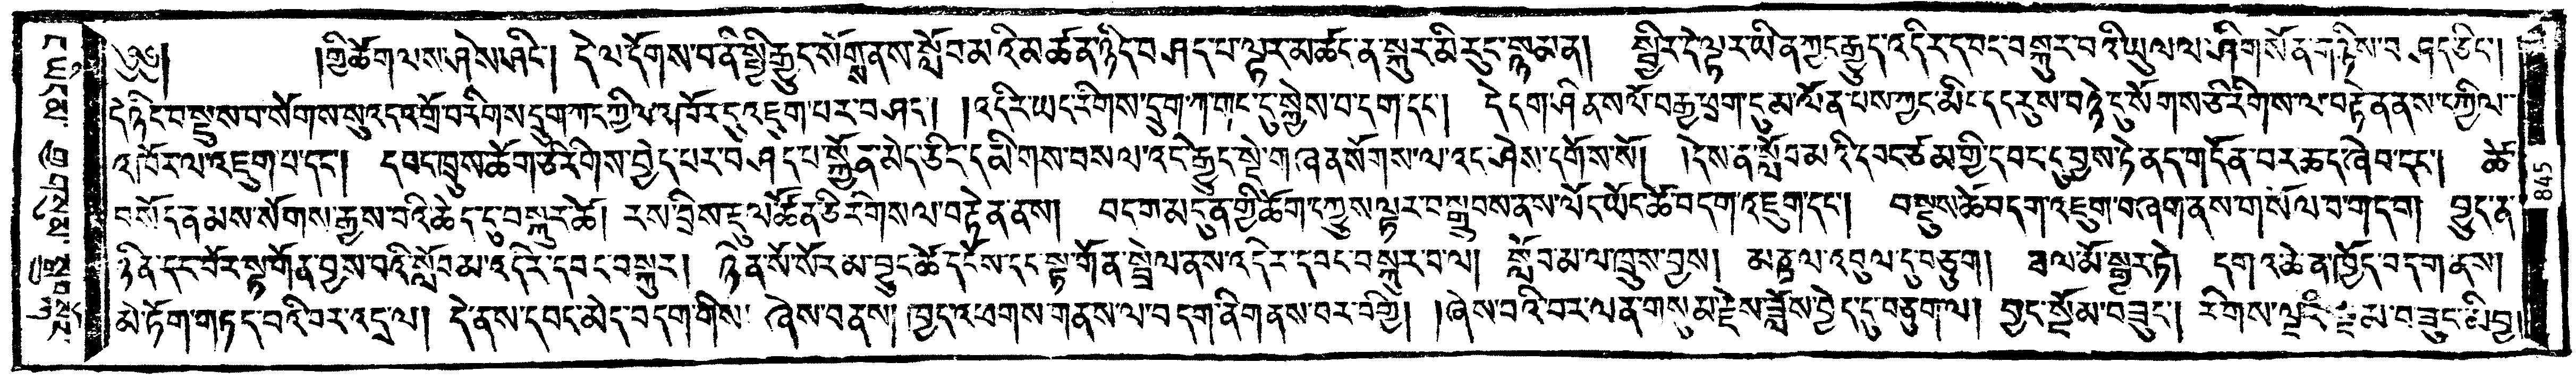༄༅། །གྱི་ཆོ་ག་ལས་ཤེས་ཤིང་། དེ་ལ་འཚོགས་བ་ནི་སྤྱི་རྒྱུད་སོགས་ནས་སློབ་མའི་མཚན་ཉིད་བཤད་པ་ལྟར་མཚང་ན་སྐུར་མི་རུང་སྙམ་ན། སྦྱིར་དེ་ལྟར་ཡིན་ཀྱང་རྒྱུད་འདིར་དབང་བསྐུར་བའི་ཡུལ་ལ་ཤིག་སོན་གཉིས་བཤད་ཅིང་།
དེ་ཉིང་བསྡུས་པ་སོགས་སུའང་འགྲོ་བ་རིགས་དྲུག་ཀ་དཀྱིལ་གྱིས་འཁོར་དུ་འཇུག་པར་བཤད། །འདིར་ཡང་རིགས་དྲུག་ཀ་གང་དུ་སྐྱེས་བ་དག་དང་། དེ་དག་ཤི་ནས་ལོ་བརྒྱ་ཕྲག་དུ་མ་ལོན་པས་ཀྱང་མིང་དང་རུས་བྙེ་དུ་སོགས་ཅི་རིགས་ལ་བརྟེན་ནས་དཀྱིལ་
འཁོར་ལ་འཇུག་པ་དང་། དབང་ཁྲུས་ཆོག་ཅི་རིགས་བྱེད་པར་བཤད་པ་སྐྱོན་མེད་ཅིང་དམིགས་བསལ་འདི་རྒྱུད་སྡེ་གཞན་སོགས་ལའང་ཤེས་དགོས་སོ། །དེས་ན་སློབ་མའི་དབང་ཙམ་གྱི་དབང་དུ་བྱས་ཏེ་ནད་གདོན་བར་ཆད་ཞེབ་དང་། ཚེ་
བསོད་ནམས་སོགས་རྒྱས་པའི་ཆེད་དུ་བསྐུར་ཚེ། རས་བྲིས་རྡུལ་ཚོན་ཅི་རིགས་ལ་བརྟེན་ནས། བདག་མདུན་གྱི་ཆོག་བཀྱུས་ལྟར་བསྒྲུབས་ནས་ལོང་ཡོང་ཚེ་བདག་འཇུག་དང་། བསྡུས་ཚེ་བདག་འཇུག་བཞག་ནས་གསོལ་བ་གདབ། བྱུང་ན་
ཉིན་དང་བོར་སྟ་གོན་བྱས་པའི་སློབ་མ་འདིར་དབང་བསྐུར། ཉེན་སོ་སོར་མ་བྱུང་ཚེ་དངོས་དང་སྟ་གོན་སྤྲེལ་ནས་འདིར་དབང་བསྐུར་བ་ལ། སློབ་མ་ལ་ཁྲུས་བྱས། མཎྜལ་འཕུལ་དུ་བཅུག། ཐལ་མོ་སྦྱར་ཏེ། དགའ་ཆེན་ཁྱོད་བདག་ནས།
མེ་ཏོག་གཏད་བའི་བར་འདྲ་ལ། དེ་ནས་དབང་མེད་བདག་གིས། ཞེས་བ་ནས། ཁྱད་འཕགས་གནས་ལ་བདག་ནི་གནས་བར་བགྱི། །ཞེས་བའི་བར་ལན་གསུམ་རྗེས་ཟློས་བྱེད་དུ་བཅུག་ལ། བྱང་སྔོམ་བཟུང་། རིགས་ལྔའི་སྡོམ་བཟུང་ཡི་བྱ་